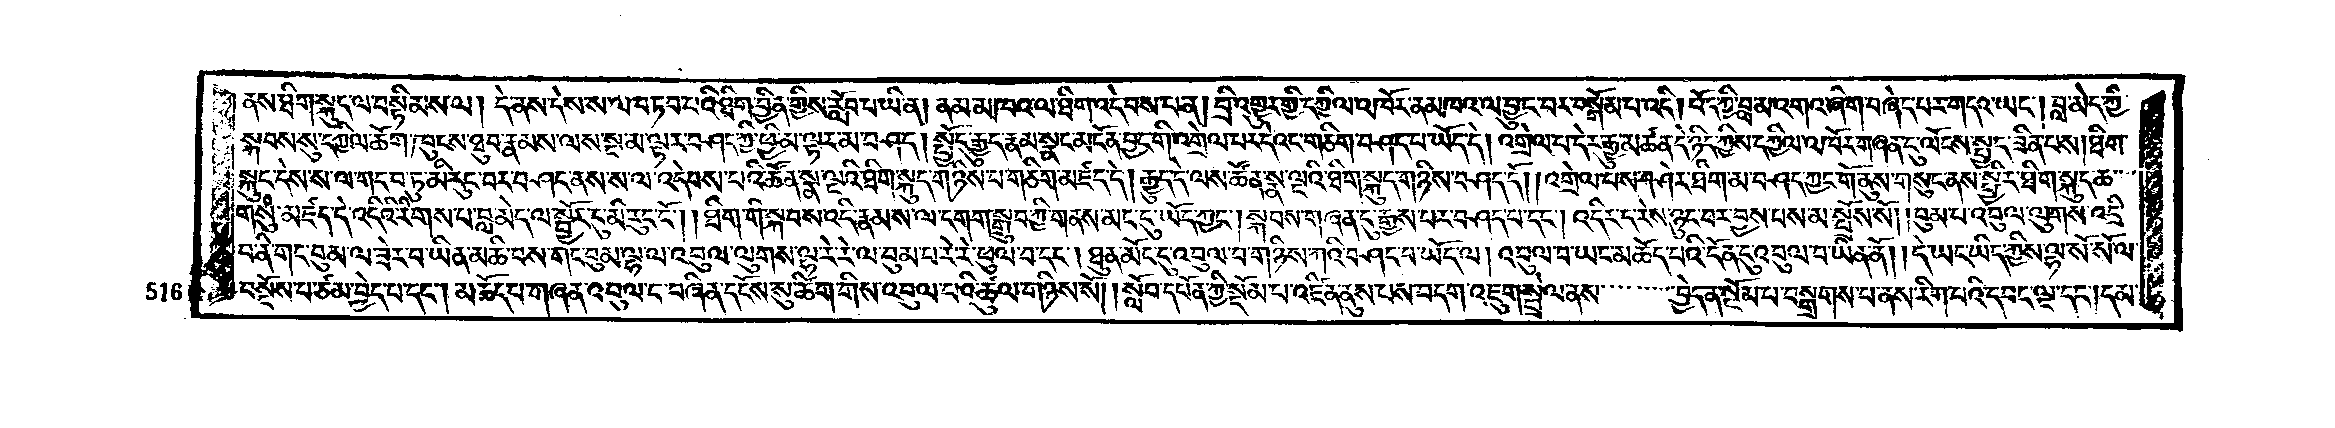ནས་ཐིག་སྐུད་ལ་བསྟིམས་ལ། ད་ནས་དེས་ས་ལ་བཏབ་པའི་ཐིག་བྱིན་གྱིས་རློབ་པ་ཡིན། ནམ་མཁའ་ལ་ཐིག་འདེབས་པ་ན། བྲི་འགྱུར་གྱི་དཀྱིལ་འཁོར་ནམ་མཁའ་ལ་བྱུང་བར་བསྒོམ་པ་འདི། བོད་ཀྱི་བླ་མ་འགའ་ཞིག་བཞད་པར་གདའ་ཡང་། བླ་མེད་ཀྱི་
སྐབས་སུ་དཀྱིལ་ཆོག་ཁུངས་ཐུབ་རྣམས་ལས་སྔ་མ་ལྟར་བཤད་ཀྱི་ཕྱི་མ་ལྟར་མ་བཤད། སྤྱོད་རྒྱུད་རྣམ་སྣང་མངོན་བྱང་གི་འགྲེལ་པར་དེའང་གཅིག་བཤད་པ་ཡོད་དེ། འགྲེལ་པ་དེར་རྒྱུ་མཚན་དེ་ཉིད་ཀྱིས་དཀྱིལ་འཁོར་གཞན་དུ་ལོགས་སྤྱད་ཟིན་པས། ཐིག་
སྐུད་དེས་ས་ལ་གང་བ་ཏུ་མི་རུང་བར་བཤད་ནས་ས་ལ་འདེབས་པའི་ཚོན་སྣ་ལྔའི་ཐིག་སྐུད་གཉིས་པ་གཅིག་མཛད་དེ། རྒྱུད་དེ་ལས་ཚོན་སྣ་ལྔའི་ཐིག་སྐུད་གཉིས་བཤད་དོ། །འགྲེལ་པས་གཤེར་ཐིག་མ་བཤད་ཀྱང་གོ་ནུས་གསུང་ནས་སྤྱིར་ཐིག་སྐུད་ཆ་
གསུམ་མཛད་དེ་འདིའི་རིགས་པ་བླ་མེད་ལ་སྦྱོར་དུ་མི་རུང་ངོ། །ཐིག་གི་སྐབས་འདི་རྣམས་ལ་དགག་སྒྲུབ་ཀྱི་གནས་མང་དུ་ཡོད་ཀྱང་། སྐབས་གཞན་དུ་རྒྱས་པར་བཤད་པ་དང་། འདིར་ད་རེས་ཉུང་བར་བྱས་པས་མ་སྤྲོས་སོ། །བུམ་པ་འབུལ་ལུགས་འདྲི་
བ་ནི་གང་བུ་མ་ལ་ཟེར་བ་ཡིན་མཆི་བས་གང་བུམ་ལྷ་ལ་འབུལ་ལུགས་ལྷ་རེ་རེ་ལ་བུམ་པ་རེ་རེ་ཕུལ་བ་དང་། ཐུན་མོང་དུ་འབུལ་བ་གཉིས་ཀའི་བཤད་པ་ཡོད་ལ། འབུལ་བ་ཡང་མཆོད་པའི་དོན་དུ་འབུལ་བ་ཡིན་ནོ། །དེ་ཡང་ཡིད་ཀྱིས་ལྷ་སེ་སོ་ལ་
བསྔོས་པ་ཙམ་བྱེད་པ་དང་། མཆོད་པ་གཞན་འབུལ་བ་བཞིན་དངོས་སུ་ཚིག་གིས་འབུལ་པའི་ཚུལ་གཉིས་སོ། །སློབ་དཔོན་གྱི་སྡོམ་པ་འཛིན་ནུས་པས་བདག་འཇུག་སྤྲེལ་ནས་བྱེད་ན་སྡོམ་པ་བསྒྲགས་པ་ནས་རིག་པའི་དབང་ལྔ་དང་། དམ་